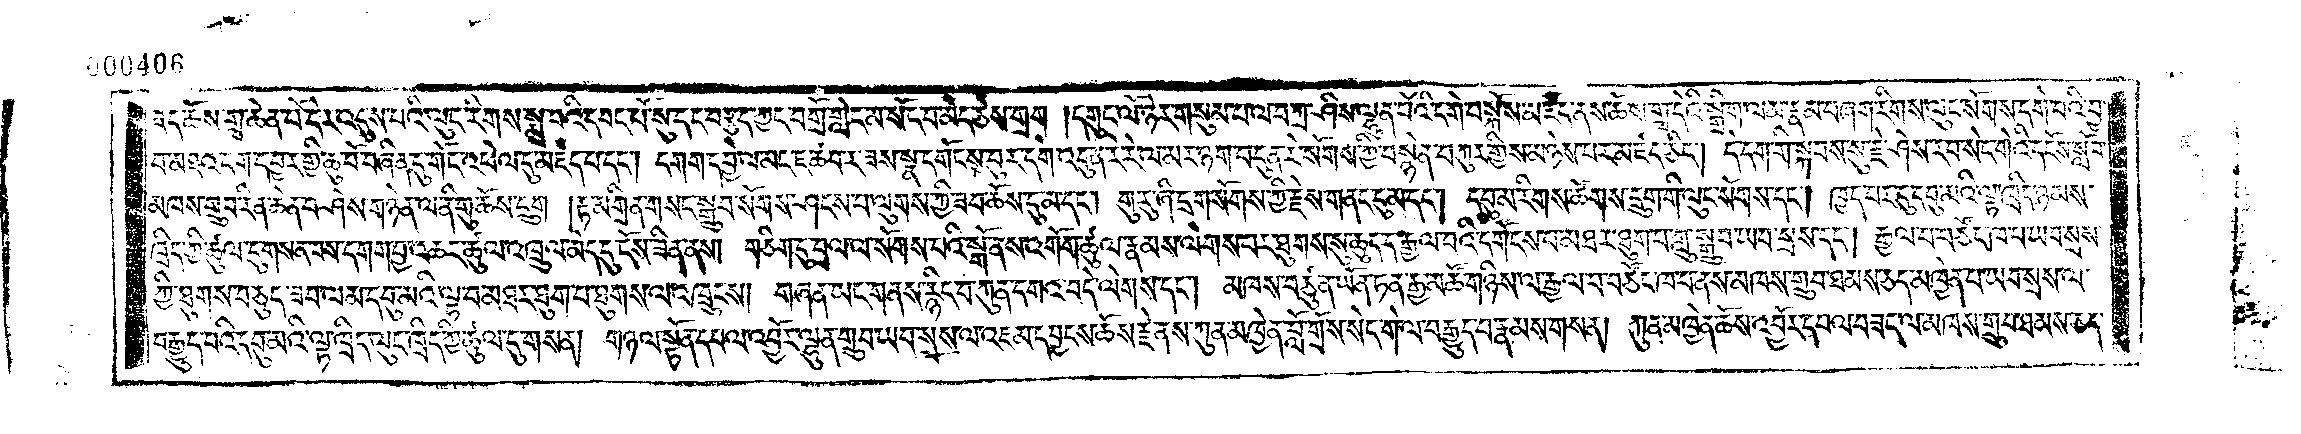ཟད་ཆོས་གྲྭ་ཆེན་པོ་དེར་འདུས་པའི་ལུང་རིགས་སྨྲ་བའི་དབང་པོ་སུ་དང་བརྩད་ཀྱང་བགྲོ་གླེང་མ་སོང་བ་མེད་ཅེས་གྲག །དགུང་ལོ་ཉེར་གསུམ་པ་ལ་བཀྲ་ཤིས་ལྷུན་པོའི་དགེ་བསྐོས་མཛད་ནས་ཆོས་གྲྭ་དེའི་སྒྲིག་ལམ་རྣམ་བཞག་རིགས་ལུང་སོགས་དགེ་བའི་བྱ་
བ་མཐའ་ངག་དབྱར་གྱི་ཆུ་བོ་བཞིན་དུ་གོང་འཕེལ་དུ་མཛད་པ་དང་། དགག་དབྱེ་ལ་མང་ཇ་ཚབ་ར་ཟས་སྣ་དགོངས་བུར་དགེ་འདུན་རེ་རེ་ལ་མར་ཉག་བདུན་རེ་སོགས་ཀྱི་བསྙེན་བཀུར་གྱིས་མཉེས་པར་མཛད་ཅིང་། དེ་དག་གི་སྐབས་སུ་རྗེ་ཤེས་རབ་སེང་གེའི་དངོས་སློབ་
མཁས་གྲུབ་རིན་ཆེན་བཤེས་གཉེན་ལ་ནི་གུ་ཆོས་དྲུག །རྟ་མགྲིན་གསང་སྒྲུབ་སོགས་ཤངས་བ་ལུགས་ཀྱི་ཟབ་ཆོས་དུ་མ་དང་། གུ་རུ་ཞི་དྲག་སོགས་ཀྱི་རྗེས་གནང་དུ་མ་དང་། དབུ་མ་རིགས་ཚོགས་དྲུག་གི་ལུང་སོགས་དང་། ཁྱད་པར་དུ་དབུ་མའི་ལྟ་ཁྲིད་ཉམས་
ཁྲིད་ཀྱི་ཚུལ་དུ་གསན་པས་དགག་བྱ་འཆར་ཚུལ་འཁྲུལ་མེད་དུ་ངོས་ཟིན་ནས། གཅིག་དུ་བྲལ་ལ་སོགས་པའི་སྒོ་ནས་འགོག་ཚུལ་རྣམས་ལེགས་པར་ཐུགས་སུ་ཆུད་དེ་རྒྱལ་བའི་དགོངས་པ་མཐར་ཐུག་པ་ཀླུ་སྒྲུབ་ཡབ་སྲས་དང་། རྒྱལ་བ་བཙོང་ཁ་པ་ཡབ་སྲས་
ཀྱི་ཐུགས་བཅུད་ཟབ་ལམ་དབུ་མའི་ལྟ་བ་མཐར་ཐུག་པ་ཐུགས་ལ་འཁྲུངས། གཞན་ཡང་གནས་རྙིང་བ་ཀུན་དགའ་བདེ་ལེགས་དང་། མཁས་བཙུན་ཡོན་ཏན་རྒྱ་མཚོ་གཉིས་ལ་རྒྱལ་བ་བཙོང་ཁ་པ་ནས་མཁས་གྲུབ་ཐམས་ཅད་མཁྱེན་པ་ཡབ་སྲས་ལ་
བརྒྱུད་པའི་དབུ་མའི་ལྟ་ཁྲིད་ལུང་ཁྲིད་ཀྱི་ཚུལ་དུ་གསན། གཉལ་སྟོན་དཔལ་འབྱོར་ལྷུན་གྲུབ་ཡབ་སྲས་ལ་འཇམ་དབྱངས་ཆོས་རྗེ་ནས་ཀུན་མཁྱེན་བློ་གྲོས་སེང་གེ་ལ་བརྒྱུད་པ་རྣམས་གསན། ཀུན་མཁྱེན་ཆོས་འབྱོར་དཔལ་བཟང་ལ་མཁས་གྲུབ་ཐམས་ཅད་